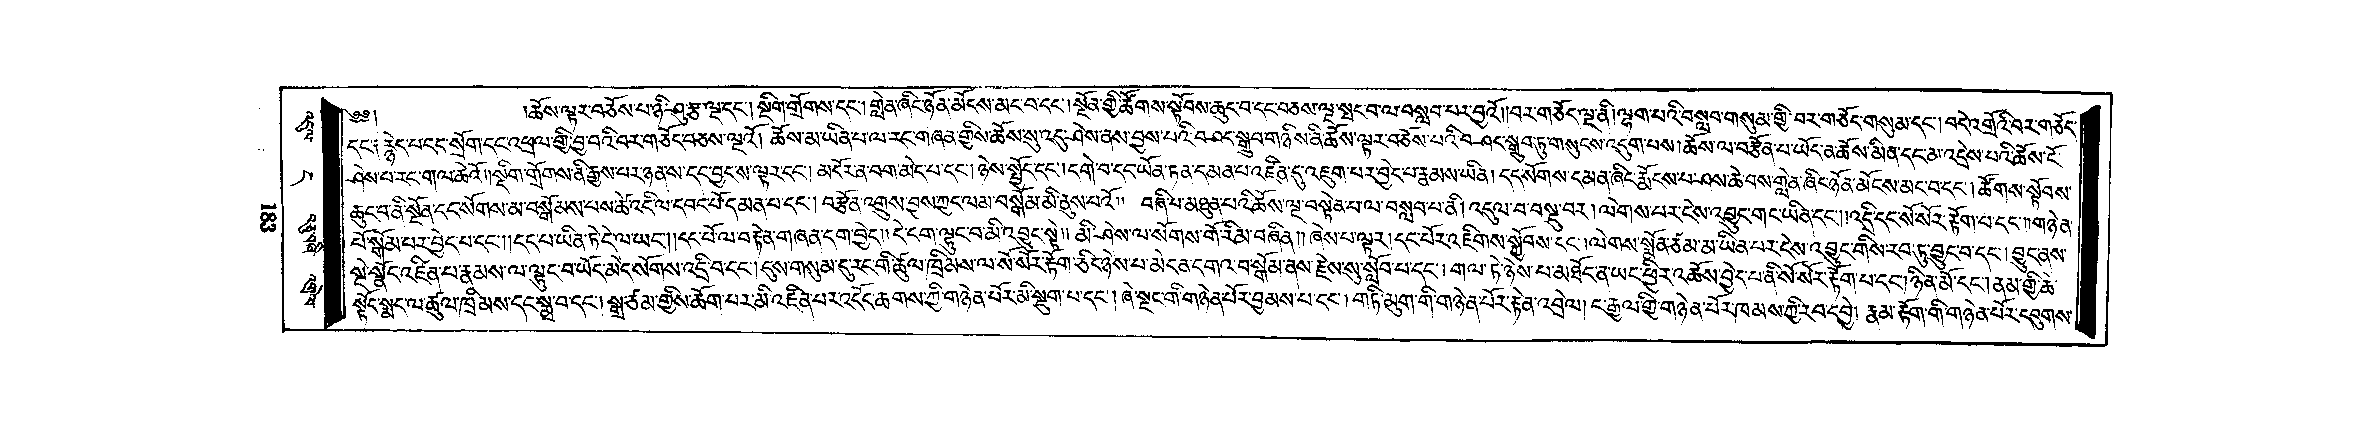༄༅། །ཆོས་ལྟར་བཅོས་པ་ཉི་ཤུ་རྩ་ལྔ་དང་། སྡིག་གྲོགས་དང་། གླེན་ཞིང་ཉོན་མོངས་མང་བ་དང་། སྔོན་གྱི་ཚོགས་སྟོབས་ཆུང་བ་དང་བཅས་ལྔ་སྤང་བ་ལ་བསླབ་པར་བྱའོ། །བར་གཅོད་ལྔ་ནི། ལྷག་པའི་བསླབ་གསུམ་གྱི་བར་གཅོད་གསུམ་དང་། བདེ་འགྲོའི་བར་གཅོད་
དང་། རྙེད་པ་དང་སྲོག་དང་འཕྲལ་གྱི་བྱ་བའི་བར་གཅོད་བཅས་ལྔའོ། ཆོས་མ་ཡིན་པ་ལ་རང་གཞན་གྱིས་ཆོས་སུ་འདུ་ཤེས་ནས་བྱས་པའི་བཤད་སྒྲུབ་གཉིས་ནི་ཆོས་ལྟར་བཅོས་པའི་བཤད་སྒྲུབ་ཏུ་གསུངས་འདུག་པས། ཆོས་ལ་བརྩོན་པ་ཡོད་ན་ཆོས་མིན་དང་མ་འདྲེས་པའི་ཆོས་ངོ་
ཤེས་པ་རང་གལ་ཆེའོ། །སྡིག་གྲོགས་ནི་རྒྱས་པར་ཉན་ས་དང་བྱང་ས་ལྟར་དང་། མདོར་ན་བག་མེད་པ་དང་། ཉེས་སྤྱོད་དང་། དགེ་བ་དང་ཡོན་ཏན་དམན་པ་འཛིན་དུ་འཇུག་པར་བྱེད་པ་རྣམས་ཡིན། དད་སོགས་དམན་ཞིང་རྨོངས་པ་ཤས་ཆེ་བས་གླེན་ཞིང་ཉོན་མོངས་མང་བ་དང་། ཚོགས་སྟོབས་
ཆུང་བ་ནི་སྔོན་དད་སོགས་མ་བསྒོམས་པས་ཚེ་འདི་ལ་དབང་པོ་དམན་པ་དང་། བརྩོན་འགྲུས་བྱས་ཀྱང་ལམ་བསྒོམ་མི་ནུས་པའོ། །བཞི་པ་མཐུན་པའི་ཆོས་ལྔ་བསྟེན་པ་ལ་བསླབ་པ་ནི། འདུལ་བ་བསྡུ་བར། ལེགས་པར་ངེས་འབྱུང་གང་ཡིན་དང་། །འདྲི་དང་སོ་སོར་རྟོག་པ་དང་། །གཉེན་
པོ་སྒོམ་པར་བྱེད་པ་དང་། །དད་པ་ཡིན་ཏེ་དེ་ལ་ཡང་། །དང་པོ་ལ་བརྟེན་གཞན་དག་བྱེད། །དེ་དག་ལྟུང་བ་མི་འབྱུང་སྟེ། །མི་ཤེས་ལ་སོགས་གོ་རིམ་བཞིན། །ཞེས་པ་ལྟར། དང་པོར་འཇིགས་སྐྱོབས་དང་། ལེགས་སྨོན་ཙམ་མ་ཡིན་པར་ངེས་འབྱུང་གིས་རབ་ཏུ་བྱུང་བ་དང་། བྱུང་ནས་
སྡེ་སྣོད་འཛིན་པ་རྣམས་ལ་ལྟུང་བ་ཡོད་མེད་སོགས་འདྲི་བ་དང་། དུས་གསུམ་དུ་རང་གི་ཚུལ་ཁྲིམས་ལ་སོ་སོར་རྟོག་ཅིང་ཉེས་པ་མེད་ན་དགའ་བ་སྒོམ་ནས་རྗེས་སུ་སློབ་པ་དང་། གལ་ཏེ་ཉེས་པ་མཐོང་ན་ཡང་ཕྱིར་འཆོས་བྱེད་པ་ནི་སོ་སོར་རྟོག་པ་དང་། ཉིན་མོ་དང་། ནམ་གྱི་ཆེ་
སྟོད་སྨད་ལ་ཚུལ་ཁྲིམས་དང་སྨྲ་བ་དང་། སྒྲ་ཙམ་གྱིས་ཆོག་པར་མི་འཛིན་པར་འདོད་ཆགས་ཀྱི་གཉེན་པོར་མི་སྡུག་པ་དང་། ཞེ་སྡང་གི་གཉེན་པོར་བྱམས་པ་དང་། གཏི་མུག་གི་གཉེན་པོར་རྟེན་འབྲེལ། ང་རྒྱལ་གྱི་གཉེན་པོར་ཁམས་ཀྱི་རབ་དབྱེ། རྣམ་རྟོག་གི་གཉེན་པོར་དབུགས་